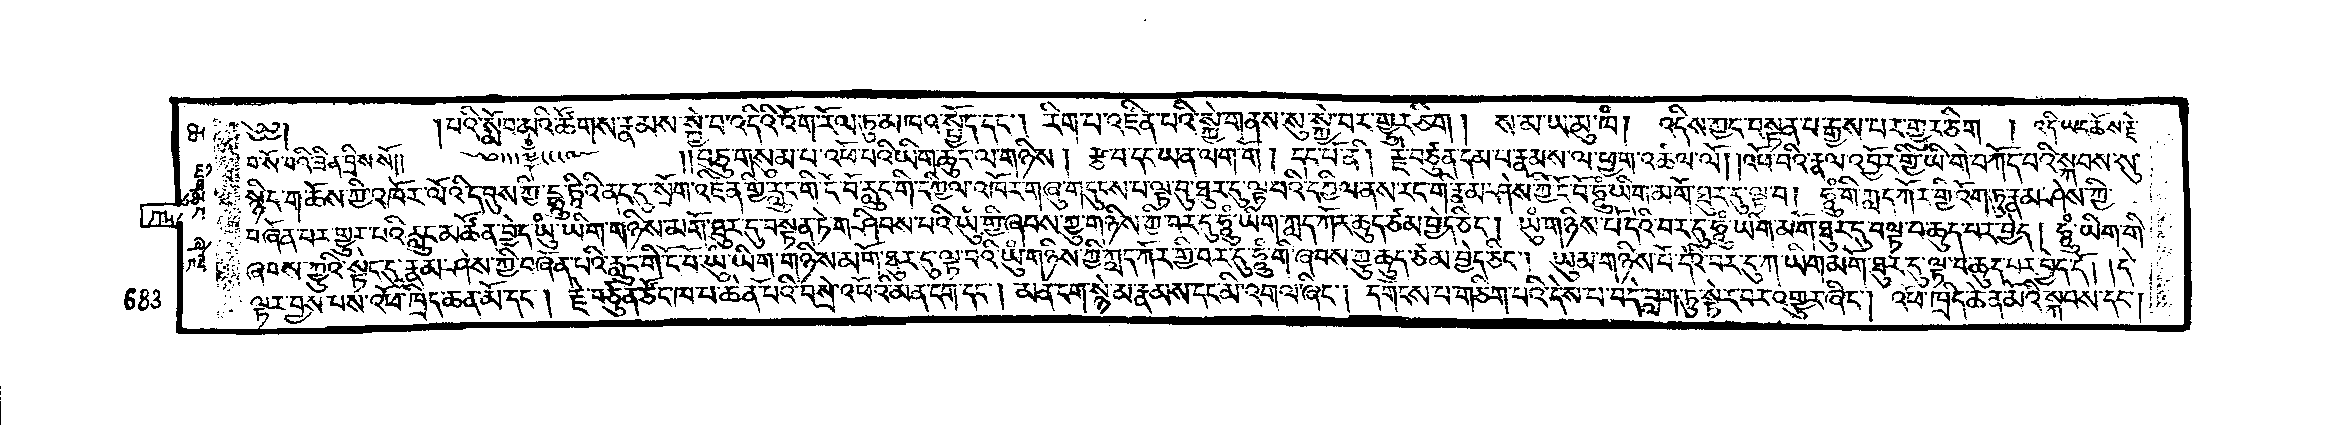༄༅། །པའི་སློབ་མའི་ཚོགས་རྣམས་སྐྱེ་བ་འདིའི་འོག་རོལ་ཏུ་མཁའ་སྤྱོད་དང་། རིག་པ་འཛིན་པའི་སྐྱེ་གནས་སུ་སྐྱེ་བར་གྱུར་ཅིག །ས་མ་ཡ་མུ་ཁཾ། འདིས་ཀྱང་བསྟན་པ་རྒྱས་པར་གྱུར་ཅིག །འདི་ཡང་ཆོས་རྗེ་
བ་སོ་བའི་ཟིན་བྲིས་སོ།། ༈ །།བཅུ་གསུམ་པ་འཕོ་པའི་ཡིག་ཆུང་ལ་གཉིས། རྩ་བ་དང་ཡན་ལག་གོ །དང་པོ་ནི། རྗེ་བཙུན་དམ་པ་རྣམས་ལ་ཕྱག་འཚལ་ལོ། །འཕོ་བའི་རྣལ་འབྱོར་གྱི་ཡི་གེ་བཀོད་པའི་སྐབས་སུ་
སྙིང་ག་ཆོས་ཀྱི་འཁོར་ལོའི་དབུས་ཀྱི་དྷཱུ་ཏཱིའི་ནང་དུ་སྲོག་འཛིན་གྱི་རླུང་གི་ངོ་བོ་རླུང་གི་དཀྱིལ་འཁོར་གཞུ་གདུངས་པ་ལྟ་བུ་ཐུར་དུ་ལྟ་བའི་དཀྱིལ་ནས་རང་གི་རྣམ་ཤེས་ཀྱི་ངོ་བོ་ཧཱུཾ་ཡིག་མགོ་ཐུར་དུ་ལྟ་བ། ཧཱུཾ་གི་ཀླད་ཀོར་གྱི་འོག་ཏུ་རྣམ་ཤེས་ཀྱི་
བཞོན་པར་གྱུར་པའི་རླུང་མཚོན་བྱེད་ཡུཾ་ཡིག་གཉིས་མགོ་ཐུར་དུ་བསྟན་ཏེ་གཤིབས་པའི་ཡུཾ་གྱི་ཞབས་ཀྱུ་གཉིས་ཀྱི་བར་དུ་ཧཱུཾ་ཡིག་ཀླད་ཀོར་ཆུད་ཙམ་བྱེད་ཅིང་། ཡུཾ་གཉིས་པོ་དེའི་བར་དུ་ཧཱུཾ་ཡིག་མགོ་ཐུར་དུ་བལྟ་བ་ཆུད་པར་བྱེད། ཧཱུཾ་ཡིག་གི་
ཞབས་ཀྱུའི་སྟེང་དུ་རྣམ་ཤེས་ཀྱི་བཞོན་པའི་རླུང་གི་ངོ་བོ་ཡུཾ་ཡིག་གཉིས་མགོ་ཐུར་དུ་ལྟ་བའི་ཡུཾ་གཉིས་ཀྱི་ཀླད་ཀོར་གྱི་བར་དུ་ཧཱུཾ་གི་ཞབས་ཀྱུ་ཆུད་ཙམ་བྱེད་ཅིང་། ཡུམ་གཉིས་པོ་དེའི་བར་དུ་ཀ་ཡིག་མགོ་ཐུར་དུ་ལྟ་བ་ཆུད་པར་བྱེད་དོ། །དེ་
ལྟར་བྱས་པས་འཕོ་ཁྲིད་ཆེན་མོ་དང་། རྗེ་བཙུན་ཙོང་ཁ་པ་ཆེན་པོའི་བསྲེ་འཕོའི་མན་ངག་དང་། མན་ངག་སྙེ་མ་རྣམས་དང་མི་འགལ་ཞིང་། དགོངས་པ་གཅིག་པའི་དེས་པ་བདེ་བླག་ཏུ་སྟེར་བར་འགྱུར་ཞིང་། འཕོ་ཁྲིད་ཆེན་མོའི་སྐབས་དང་།